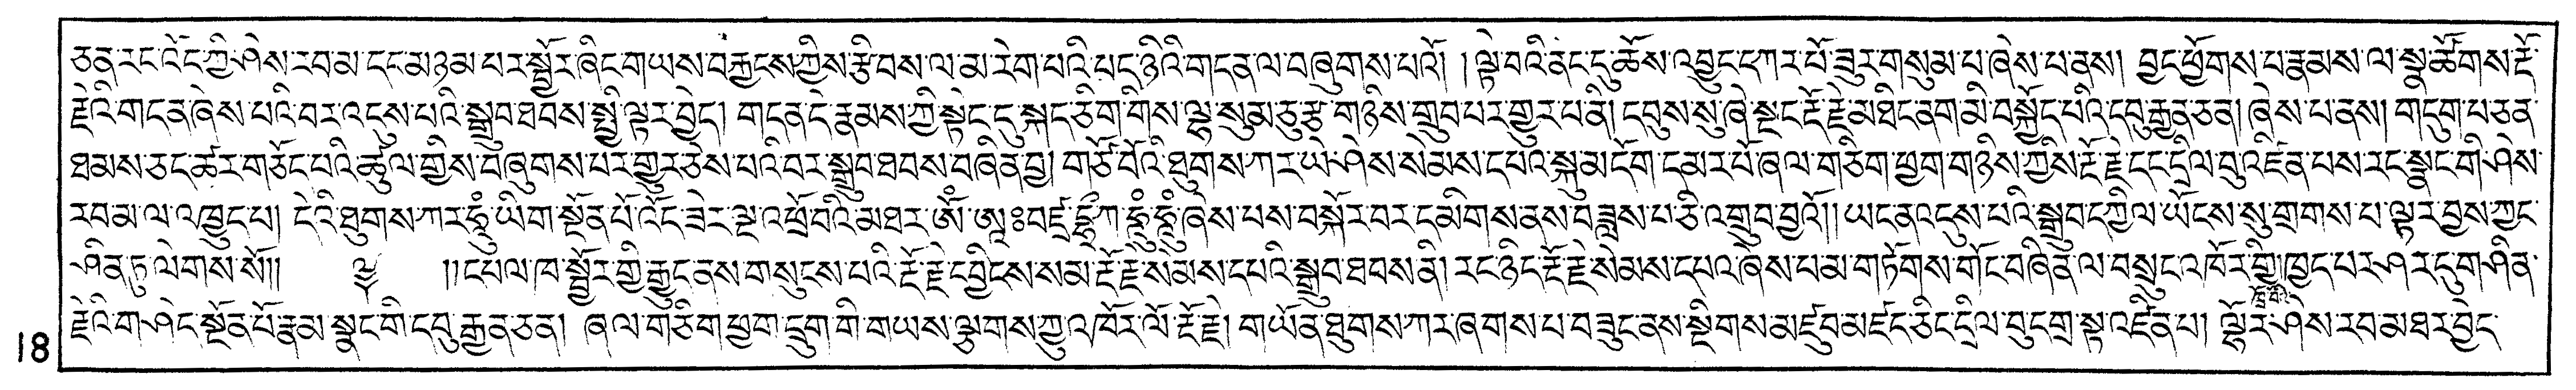ཅན་རང་འོད་ཀྱི་ཤེས་རབ་མ་དང་མཉམ་པར་སྦྱོར་ཞིང་གཡས་བརྐྱངས་ཀྱིས་རྩིབས་ལ་མ་རེག་པའི་པད་ཉིའི་གདན་ལ་བཞུགས་པའོ། །ལྟེ་བའི་ནང་དུ་ཆོས་འབྱུང་དཀར་པོ་ཟུར་གསུམ་པ་ཞེས་པ་ནས། བྱང་ཕྱོགས་པ་རྣམས་ལ་སྣ་ཚོགས་རྡོ་
རྗེའི་གདན་ཞེས་པའི་བར་འདུས་པའི་སྒྲུབ་ཐབས་སྤྱི་ལྟར་བྱེད། གདན་དེ་རྣམས་ཀྱི་སྟེང་དུ་སྐད་ཅིག་གིས་ལྷ་སུམ་ཅུ་རྩ་གཉིས་གྲུབ་པར་གྱུར་པ་ནི། དབུས་སུ་ཞེ་སྡང་རྡོ་རྗེ་མཐིང་ནག་མི་བསྐྱོད་པའི་དབུ་རྒྱན་ཅན། ཞེས་པ་ནས། གདུག་པ་ཅན་
ཐམས་ཅད་ཚར་གཅོད་པའི་ཚུལ་གྱིས་བཞུགས་པར་གྱུར་ཅེས་པའི་བར་སྒྲུབ་ཐབས་བཞིན་བྱ། གཙོ་བོའི་ཐུགས་ཀར་ཡེ་ཤེས་སེམས་དཔའི་སྐུ་མདོག་དམར་པོ་ཞལ་གཅིག་ཕྱག་གཉིས་ཀྱིས་རྡོ་རྗེ་དང་དྲིལ་བུ་འཛིན་པས་རང་སྣང་གི་ཤེས་
རབ་མ་ལ་འཁྱུད་པ། དེའི་ཐུགས་ཀར་ཧཱུཾ་ཡིག་སྔོན་པོ་འོད་ཟེར་ལྔ་འཕྲོ་བའི་མཐར་ཨོཾ་ཨཱཿ བཛྲ་དྷྲྀ་ཀ་ཧཱུཾ་ཧཱུཾ་ཞེས་པས་བསྐོར་བར་དམིགས་ནས་བཟླས་པ་ཅི་འགྲུབ་བྱའོ། །ཡང་ན་འདུས་པའི་སྒྲུབ་དཀྱིལ་ཡོངས་སུ་གྲགས་པ་ལྟར་བྱས་ཀྱང་
ཤིན་ཏུ་ལེགས་སོ།། ༈ །།དཔལ་ཁ་སྦྱོར་གྱི་རྒྱུད་ནས་གསུངས་པའི་རྡོ་རྗེ་དབྱིངས་སམ་རྡོ་རྗེ་སེམས་དཔའི་སྒྲུབ་ཐབས་ནི། རང་ཉིད་རྡོ་རྗེ་སེམས་དཔའ་ཞེས་པ་མ་གཏོགས་གོང་བཞིན་ལ་བསྲུང་འཁོར་གྱི་ཁྲོ་བའི་ཁྱད་པར་ཤར་དུ་གཤིན་
རྗེའི་གཤེད་སྔོན་པོ་རྣམ་སྣང་གི་དབུ་རྒྱན་ཅན། ཞལ་གཅིག་ཕྱག་དྲུག་གི་གཡས་ལྕགས་ཀྱུ་འཁོར་ལོ་རྡོ་རྗེ། གཡོན་ཐུགས་ཀར་ཞགས་པ་བཟུང་ནས་སྡིགས་མཛུབ་མཛད་ཅིང་དྲིལ་བུ་དགྲ་སྟ་འཛིན་པ། ལྷོར་ཤེས་རབ་མཐར་བྱེད་